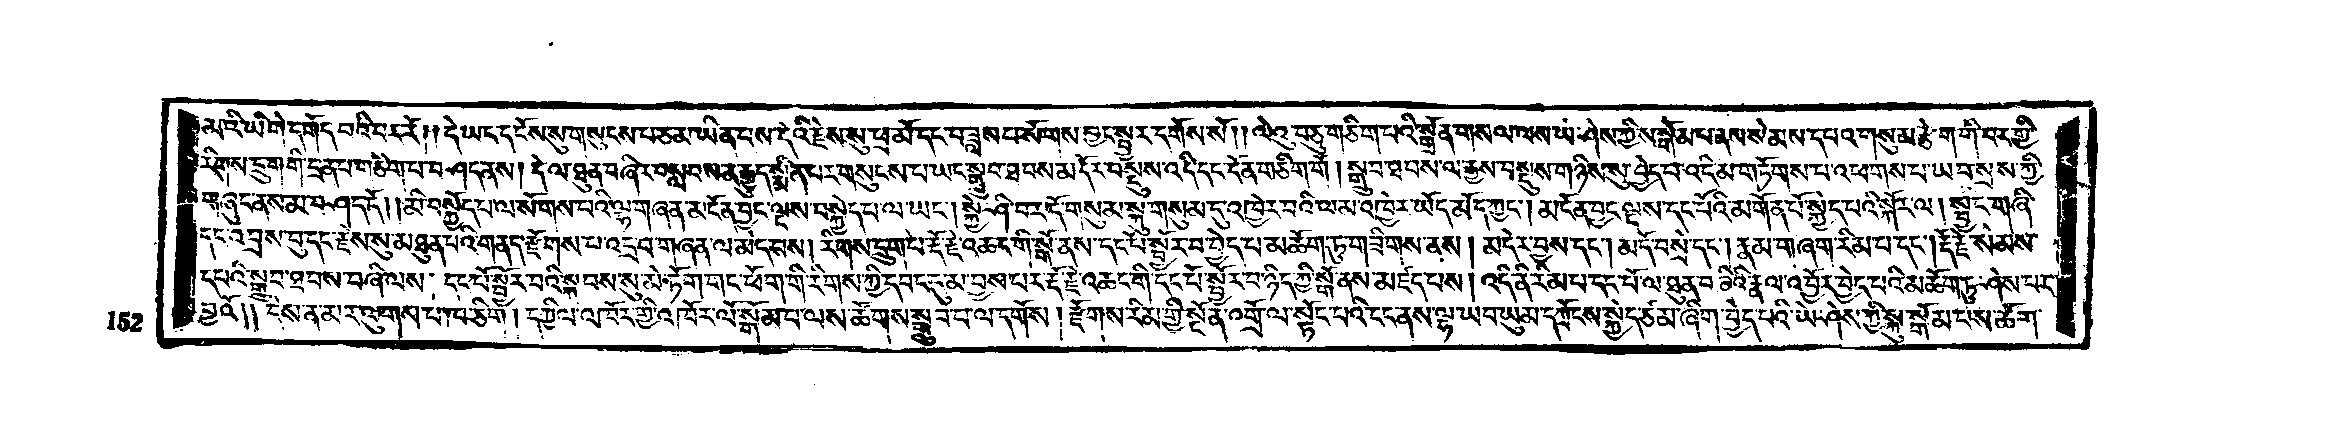མའི་ཡི་གེ་དགོད་པའི་བར་རོ། །དེ་ཡང་དངོས་སུ་གསུངས་པ་ཙམ་ཡིན་པས་དེའི་རྗེས་སུ་ཕྲ་མོ་དང་བཟླས་པ་སོགས་ཀྱང་སྦྱར་དགོས་སོ། །ལེའུ་བཅུ་གཅིག་པའི་སྒྲོན་གསལ་ལས་ཡེ་ཤེས་ཀྱིས་སྒོམ་པ་ནས་སེམས་དཔའ་གསུམ་རྩེག་གི་བར་གྱི་
རིགས་དྲུག་གི་དྲན་པ་གཅིག་པ་བཤད་ནས། དེ་ལ་ཐུན་བཞིར་བསླབས་ན་རྒྱུད་སྨིན་པར་གསུངས་པ་ཡང་སྒྲུབ་ཐབས་མདོར་བསྡུས་འདི་དང་དོན་གཅིག་གོ །སྒྲུབ་ཐབས་ལ་རྒྱས་བསྡུས་གཉིས་སུ་བྱེད་པ་འདི་མ་གཏོགས་པ་འཕགས་པ་ཡབ་སྲས་ཀྱི་
གཞུང་ནས་མ་བཤད་དོ། །མི་བསྐྱོད་པ་ལ་སོགས་པའི་ལྷ་གཞན་མངོན་བྱང་ལྔས་བསྐྱེད་པ་ལ་ཡང་། སྐྱེ་ཤི་བར་དོ་གསུམ་སྐུ་གསུམ་དུ་འཁྱེར་བའི་ལམ་འཁྱེར་ཡོད་མོད་ཀྱང་། མངོན་བྱང་ལྔས་དང་པོའི་མགོན་པོ་སྐྱེད་པའི་སྐོར་ལ། སྦྱང་གཞི་
དང་འབྲས་བུ་དང་རྗེས་སུ་མཐུན་པའི་གནད་རྫོགས་པ་འདྲ་བ་གཞན་ལ་མེད་པས། རིགས་དྲུག་པ་རྡོ་རྗེ་འཆང་གི་སྒོ་ནས་དང་པོ་སྦྱོར་བ་བྱེད་པ་མཆོག་ཏུ་གཟིགས་ནས། མདོར་བྱས་དང་། མདོ་བསྲེ་དང་། རྣམ་གཞག་རིམ་པ་དང་། རྡོ་རྗེ་སེམས་
དཔའི་སྒྲུབ་ཐབས་བཞི་ལས། དང་པོ་སྦྱོར་བའི་སྐབས་སུ་མེ་ཏོག་གང་ཕོག་གི་རིགས་ཀྱི་དབང་དུ་མ་བྱས་པར་རྡོ་རྗེ་འཆང་གི་དང་པོ་སྦྱོར་བ་ཉིད་ཀྱི་སྒོ་ནས་མཛད་པས། འདི་ནི་རིམ་པ་དང་པོ་ལ་ཐུན་བཞིའི་རྣལ་འབྱོར་བྱེད་པའི་མཆོག་ཏུ་ཤེས་པར་
བྱའོ། །དེས་ན་མར་ལུགས་པ་ཁ་ཅིག །དཀྱིལ་འཁོར་གྱི་འཁོར་ལོ་སྒོམ་པ་ལས་ཚོགས་སྒྲུབ་པ་ལ་དགོས། རྫོགས་རིམ་གྱི་སྔོན་འགྲོ་ལ་སྟོང་པའི་ངང་ནས་ལྷ་ཡབ་ཡུམ་དཀྲོངས་སྐྱེད་ཙམ་ཞིག་བྱེད་པའི་ཡེ་ཤེས་ཀྱི་སྐུ་སྒོམ་པས་ཆོག་